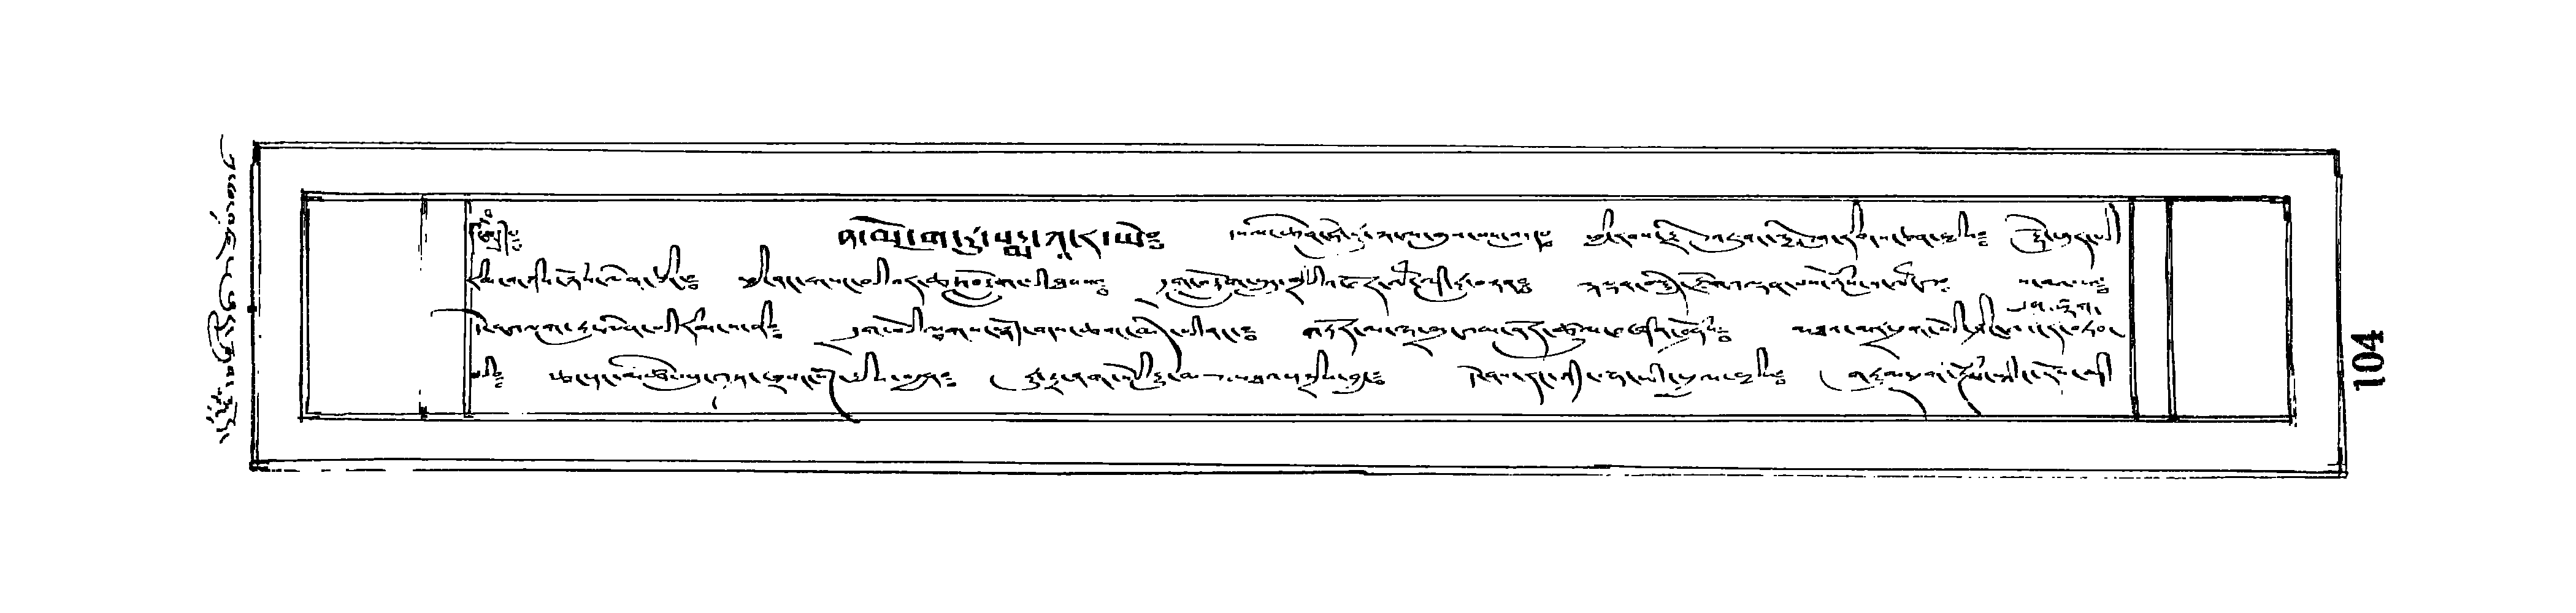ན་མོ་གུ་རུ་པདྨ་ཀཱ་ར་ཡེ༔ དཔལ་ཆེན་ཧེ་རུ་ཀ་ལ་གུས་པས་འདུད༔ ཕྱི་རབས་རྗེས་འཇུག་སྐྱེས་བུ་རིགས་ཅན་གྱིས༔ རྡོ་རྗེ་ཕུར་པའི་
རིམ་གཉིས་ཉམས་ལེན་ཅིང༔ ཕྱི་ནང་གསང་བའི་བར་ཆད་བཟློག་པའི་ཐབས༔ དྲག་བཟློག་སྤུ་གྲིའི་འཁོར་ལོ་འདི་རུ་བསྟན༔ སྐལ་ལྡན་བསྐྱེད་རྫོགས་ལྡན་པས་ཉམས་སུ་ལོངས༔ ས་མ་ཡ༔ 
དེ་ནས་ལག་ཏུ་ལེན་པའི་རིམ་པ་ནི༔ དྲག་པོའི་ལྕགས་སྣོད་གས་ཆག་མེད་པའི་ནང༔ གཏོར་མ་ལྷ་གྲངས་མ་ནོར་ཚུལ་བཞིན་བཤམས༔ མཐའ་མར་དྲག་པོའི་ཤིང་ལ་ངར་བཏབ་
པའི༔ རྩང་དང་མཚེ་ཡུངས་ཤ་ཁྲག་སོགས་ཀྱིས་བརྒྱན༔ རུ་ཏྲ་ནག་པོའི་རྒྱུ་མས་མཐའ་དཀྲིས་བྱ༔ དེ་ནས་རང་ཉིད་ལྷ་ཡི་ང་རྒྱལ་གྱིས༔ གཏུམ་དྲག་རྔམས་པའི་ང་རོས་འདི་